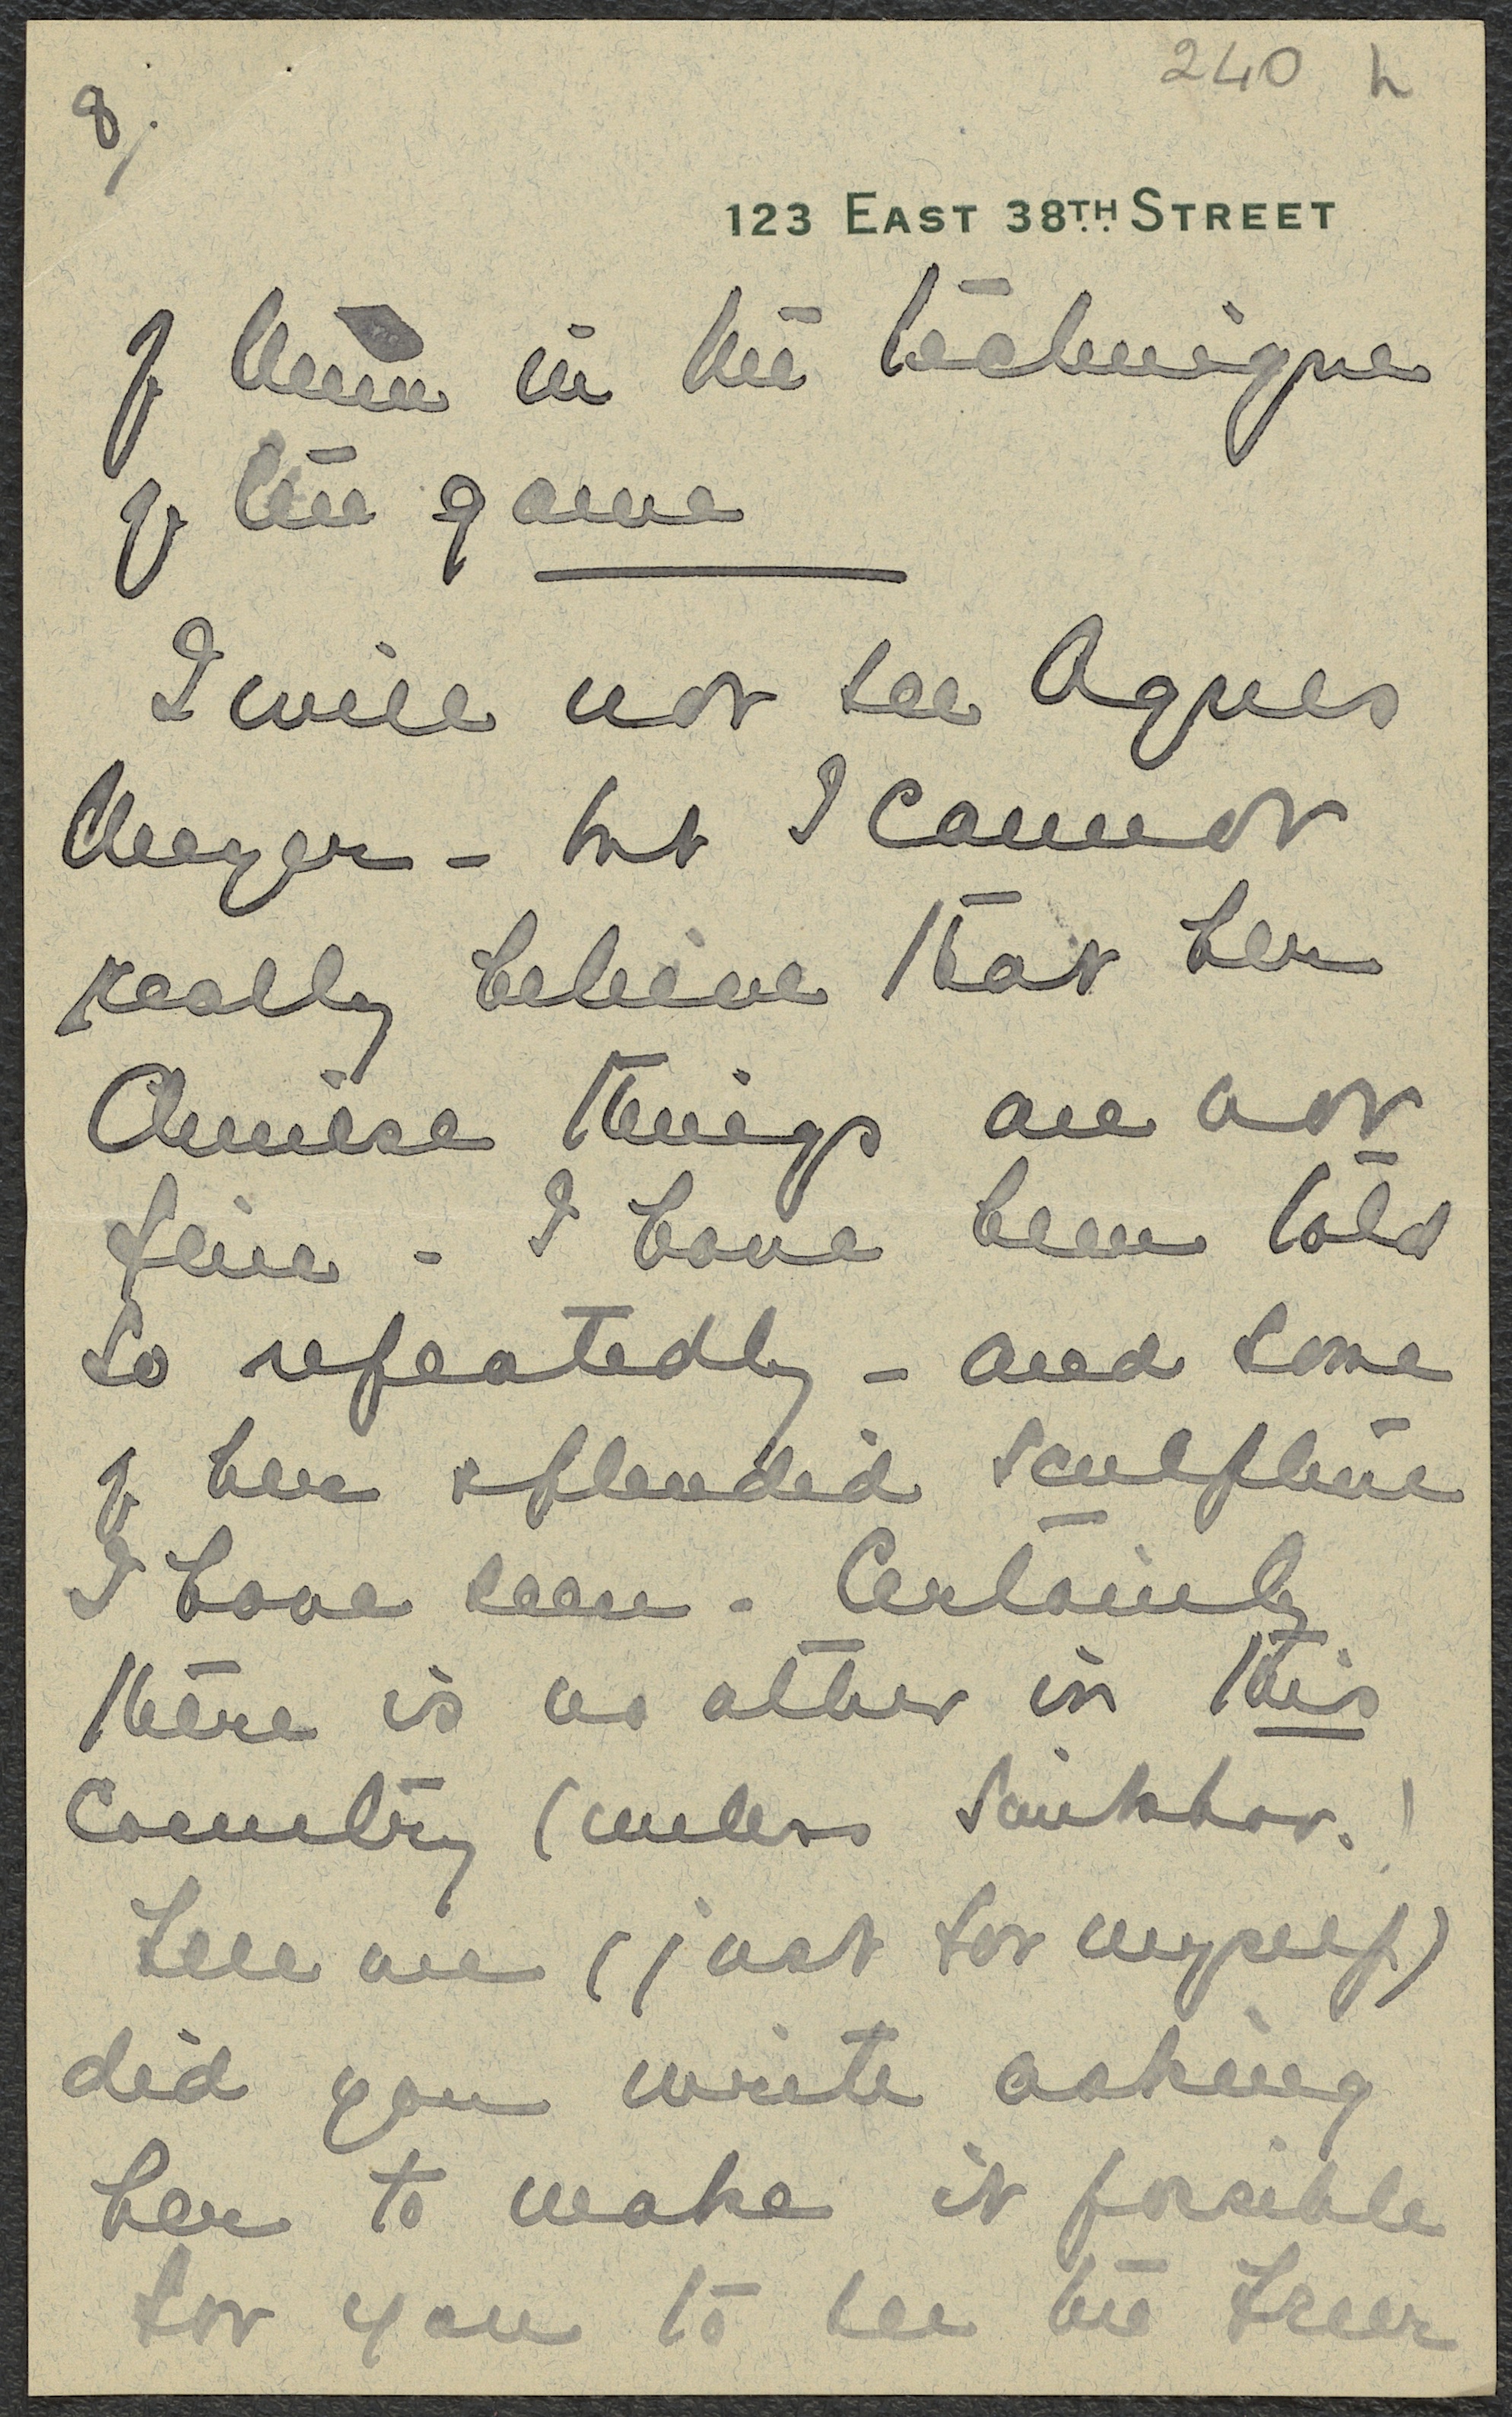8/
of them in the technique of the game
I will not see Agnes Meyer – but I cannot really believe that her Chinese things are not fine – I have been told so repeatedly – and some of her splendid sculpture I have seen – Certainly there is no other in this country (unless Simkhov.)
Tell me (just for myself) did you write asking her to make it possible for you to see the Freer